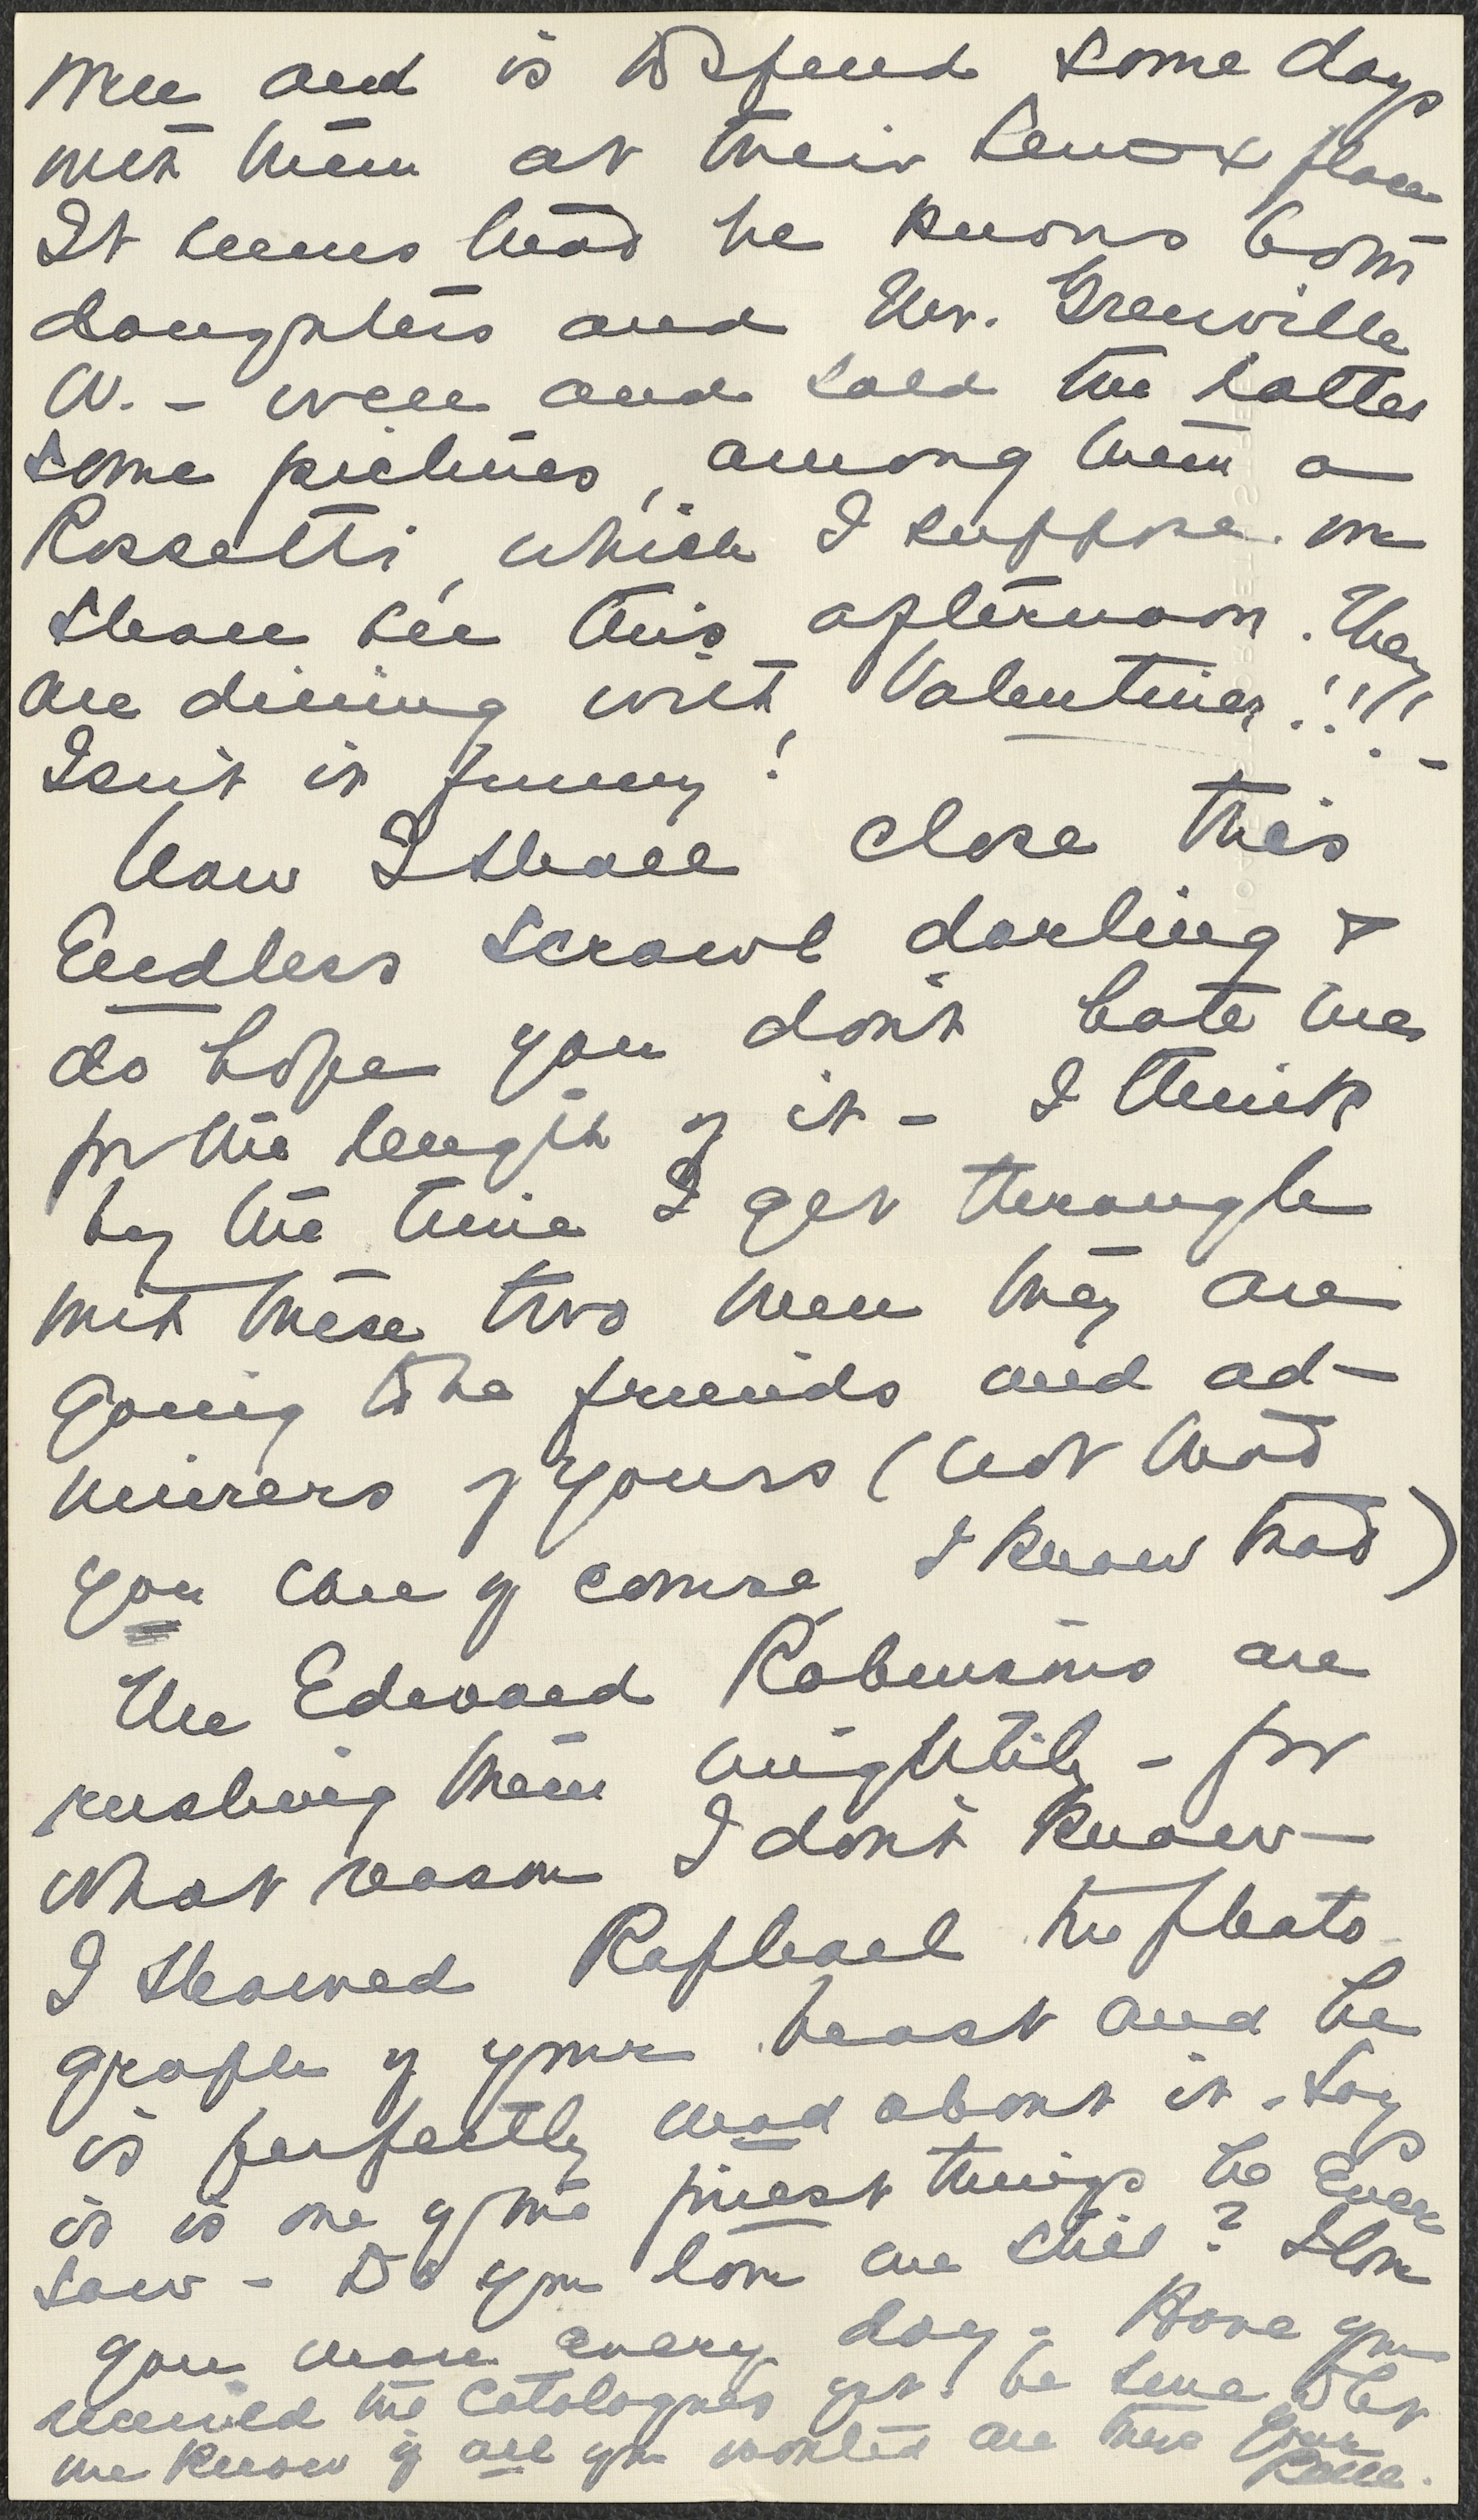well and is to spend some days with them at their Lenox place
It seems that he knows both daughters and Mr. Grenville W. – well and sold the latter some pictures, among them a Rossetti, which I suppose we shall see this afternoon. They are dining with Valentiner!!! – Isn't it funny!
Now I shall close this endless scrawl darling & do hope you don't hate me for the length of it – I think by the time I get through with these two men they are going to be friends and admirers of yours (not that you care of course, I know that)
The Edward Robinsons are rushing them mightily – for what reason I don't know – I showed Raphael the photograph of your beast and he is perfectly mad about it. Says it is one of the finest things he ever saw – Do you love me still? I love you more every day – Have you received the catalogues yet? be sure to let me know if all you wanted are there. Your Belle